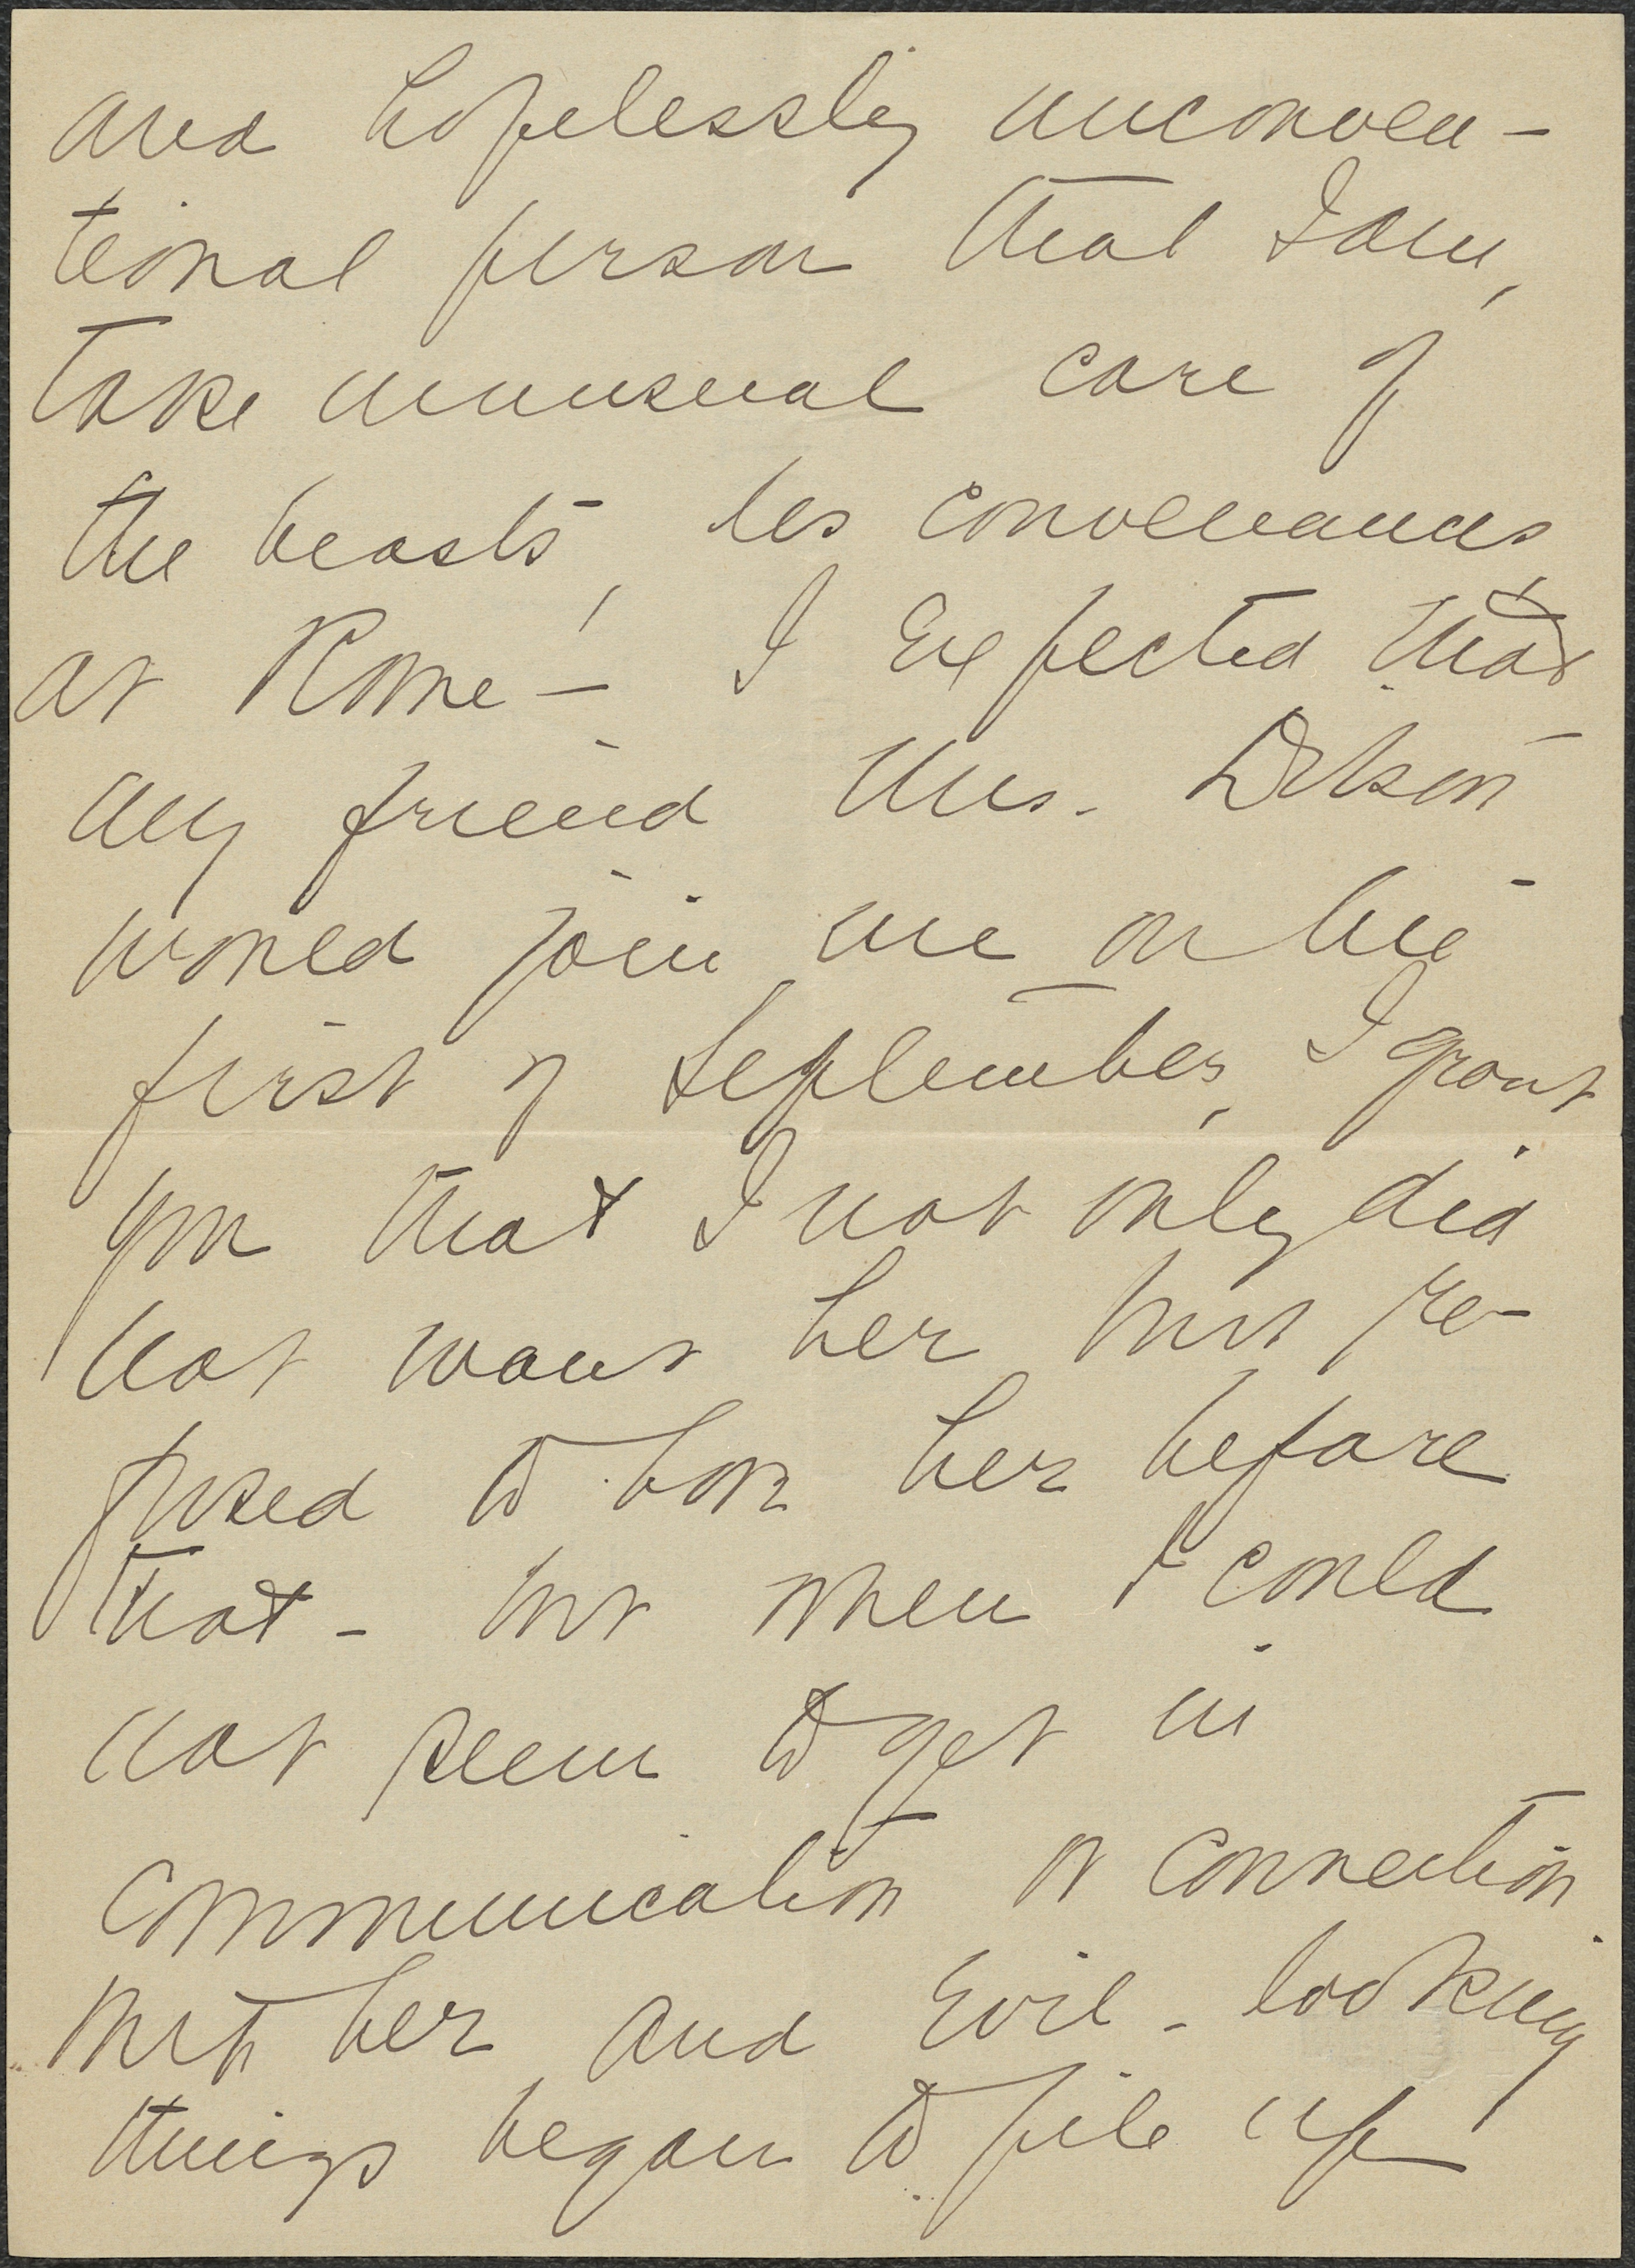and hopelessly unconventional person that I am, take unusual care of the beasts, les convenances at Rome – I expected that my friend Mrs. Ditson would join me on the first of September, I grant you that I not only did not want her but refused to have her before that – but when I could not seem to get in communication or connection with her and evil-looking things began to pile up